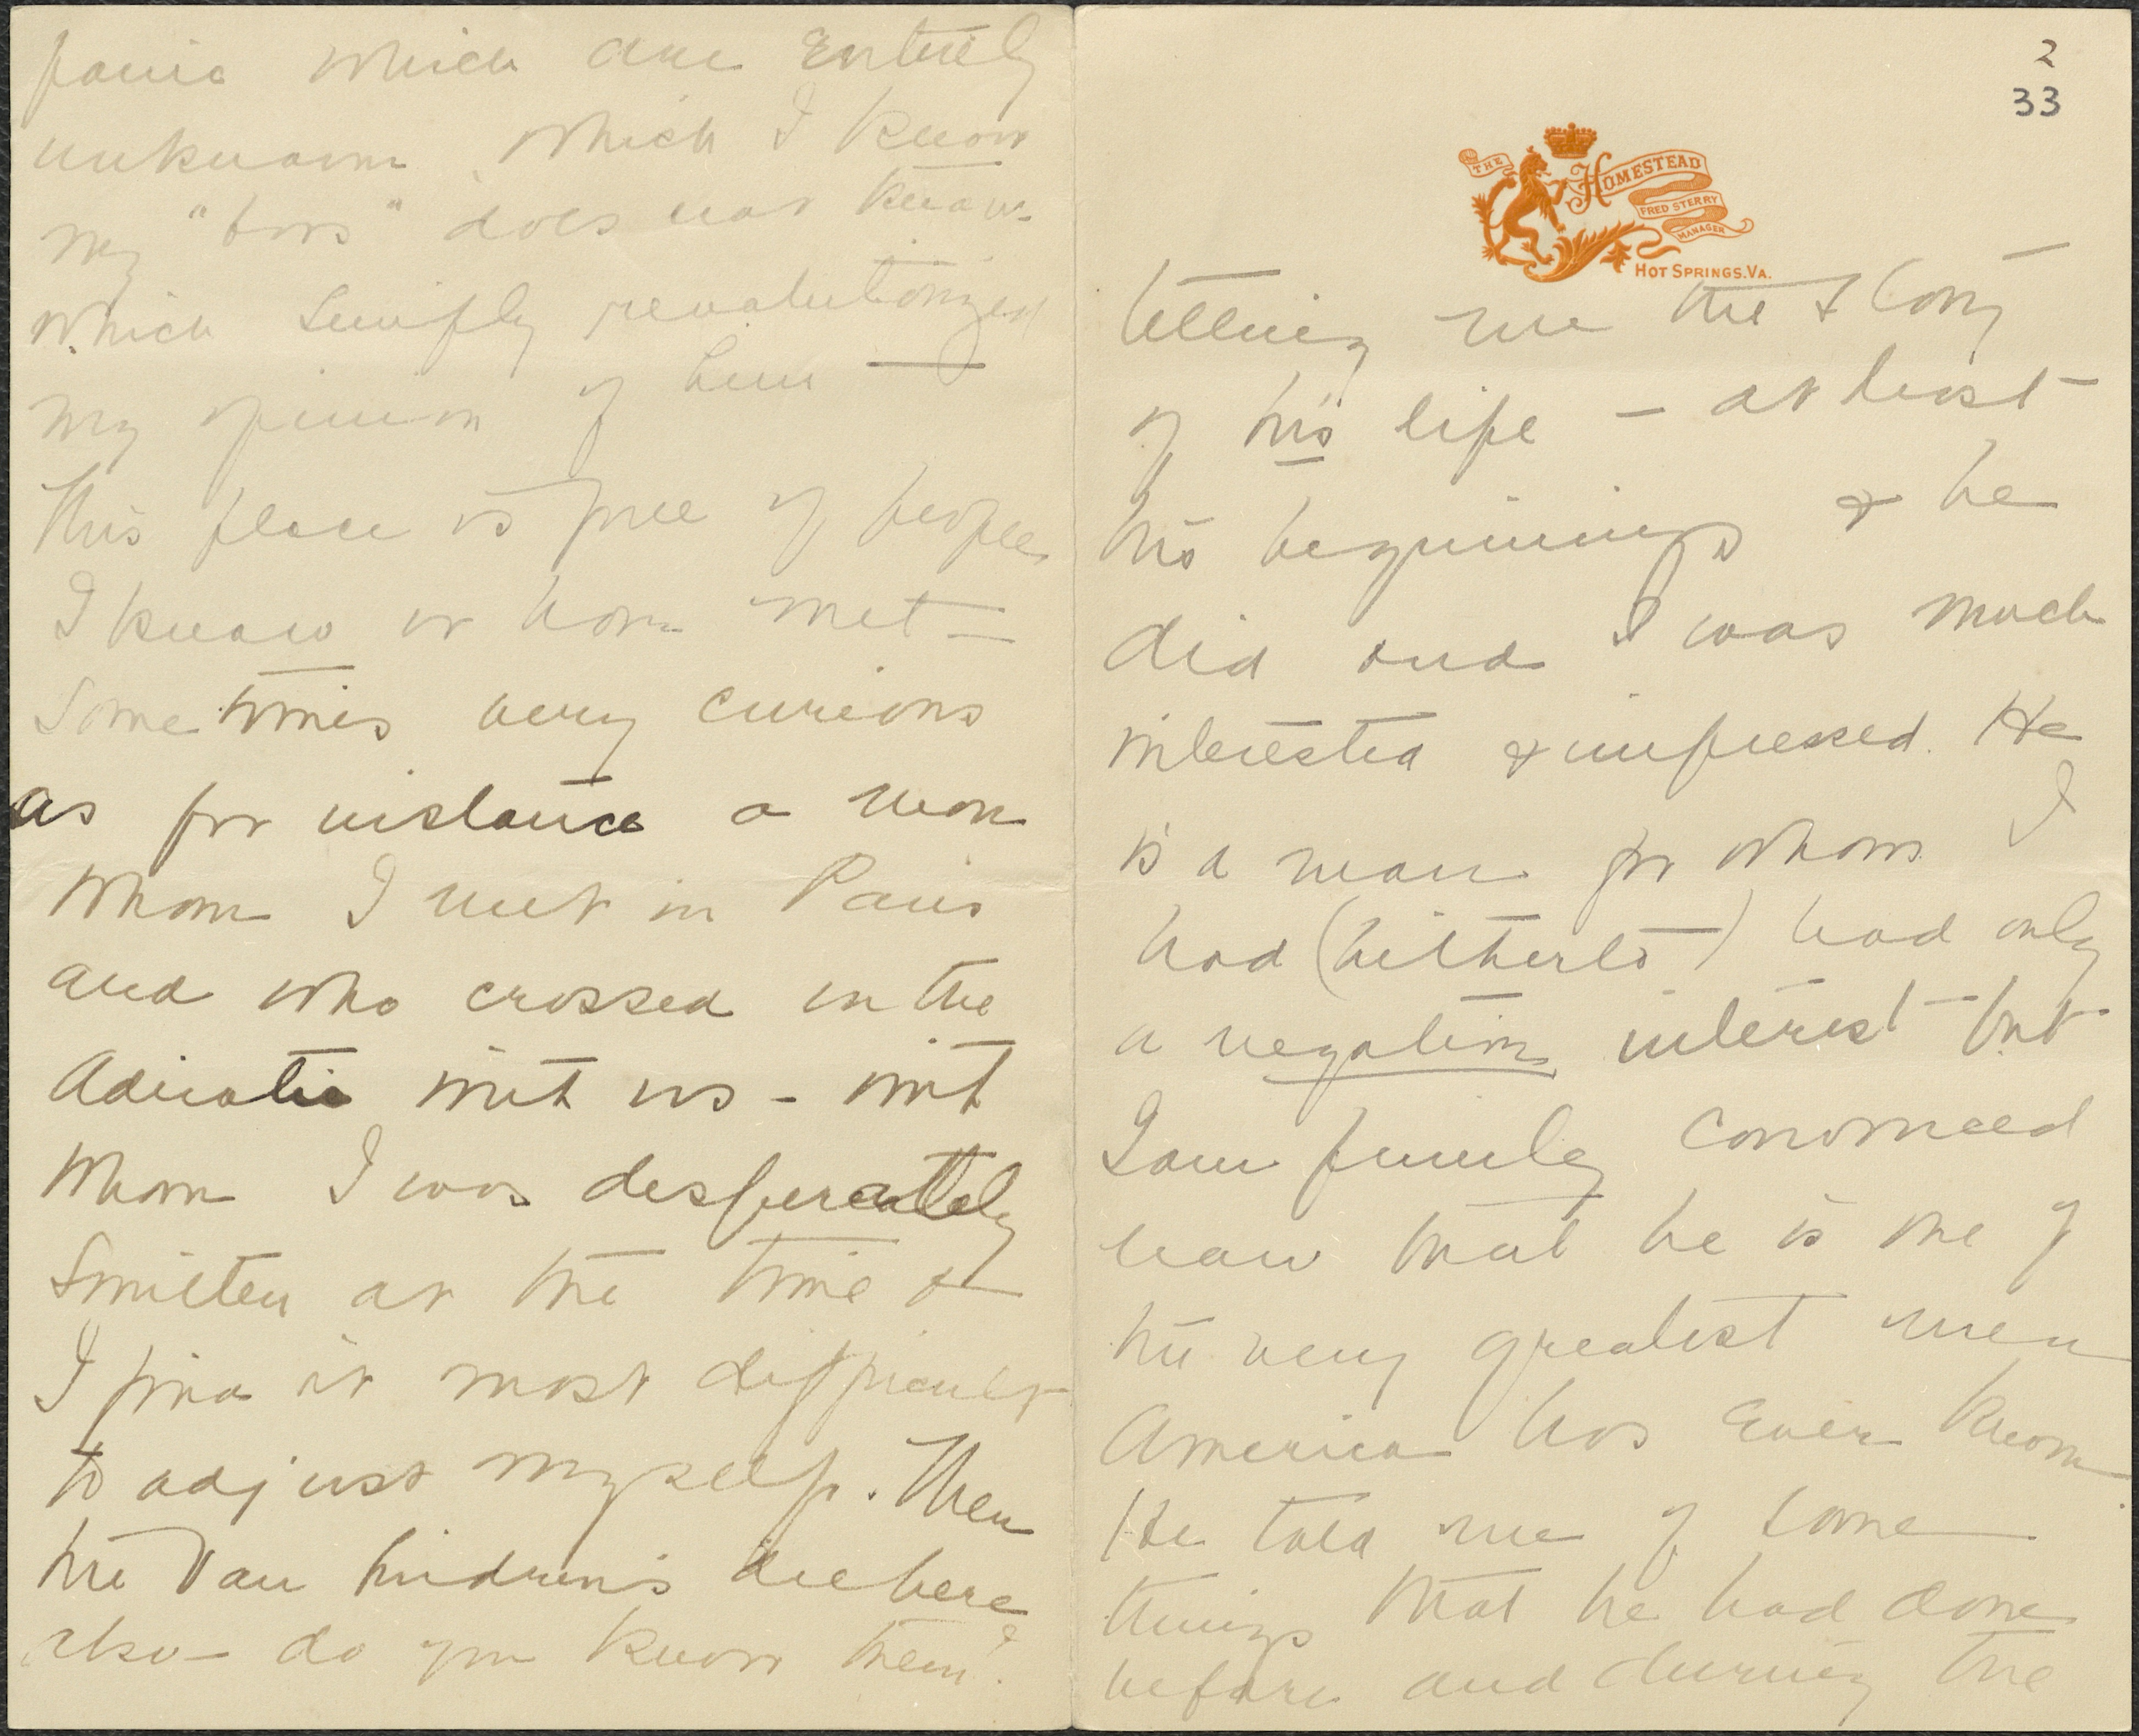telling me the story of his life – at least the beginnings & he did and I was much interested & impressed. He is a man for whom I had (hitherto) had only a negative interest but I am firmly convinced now that he is one of the very greatest men America has ever known. He told me of some things that he had done before and during the
panic which are entirely unknown which I know my “boss” does not know which simply revolutionized my opinion of him –
This place is full of people I know or have met – sometimes [change in ink] very curious as for instance a man whom I met in Paris and who crossed in the Adriatic with us – with whom I was desperately smitten at the time & I find it most difficult to adjust myself. Then the Van Sindren’s [sic] are here also – do you know them?